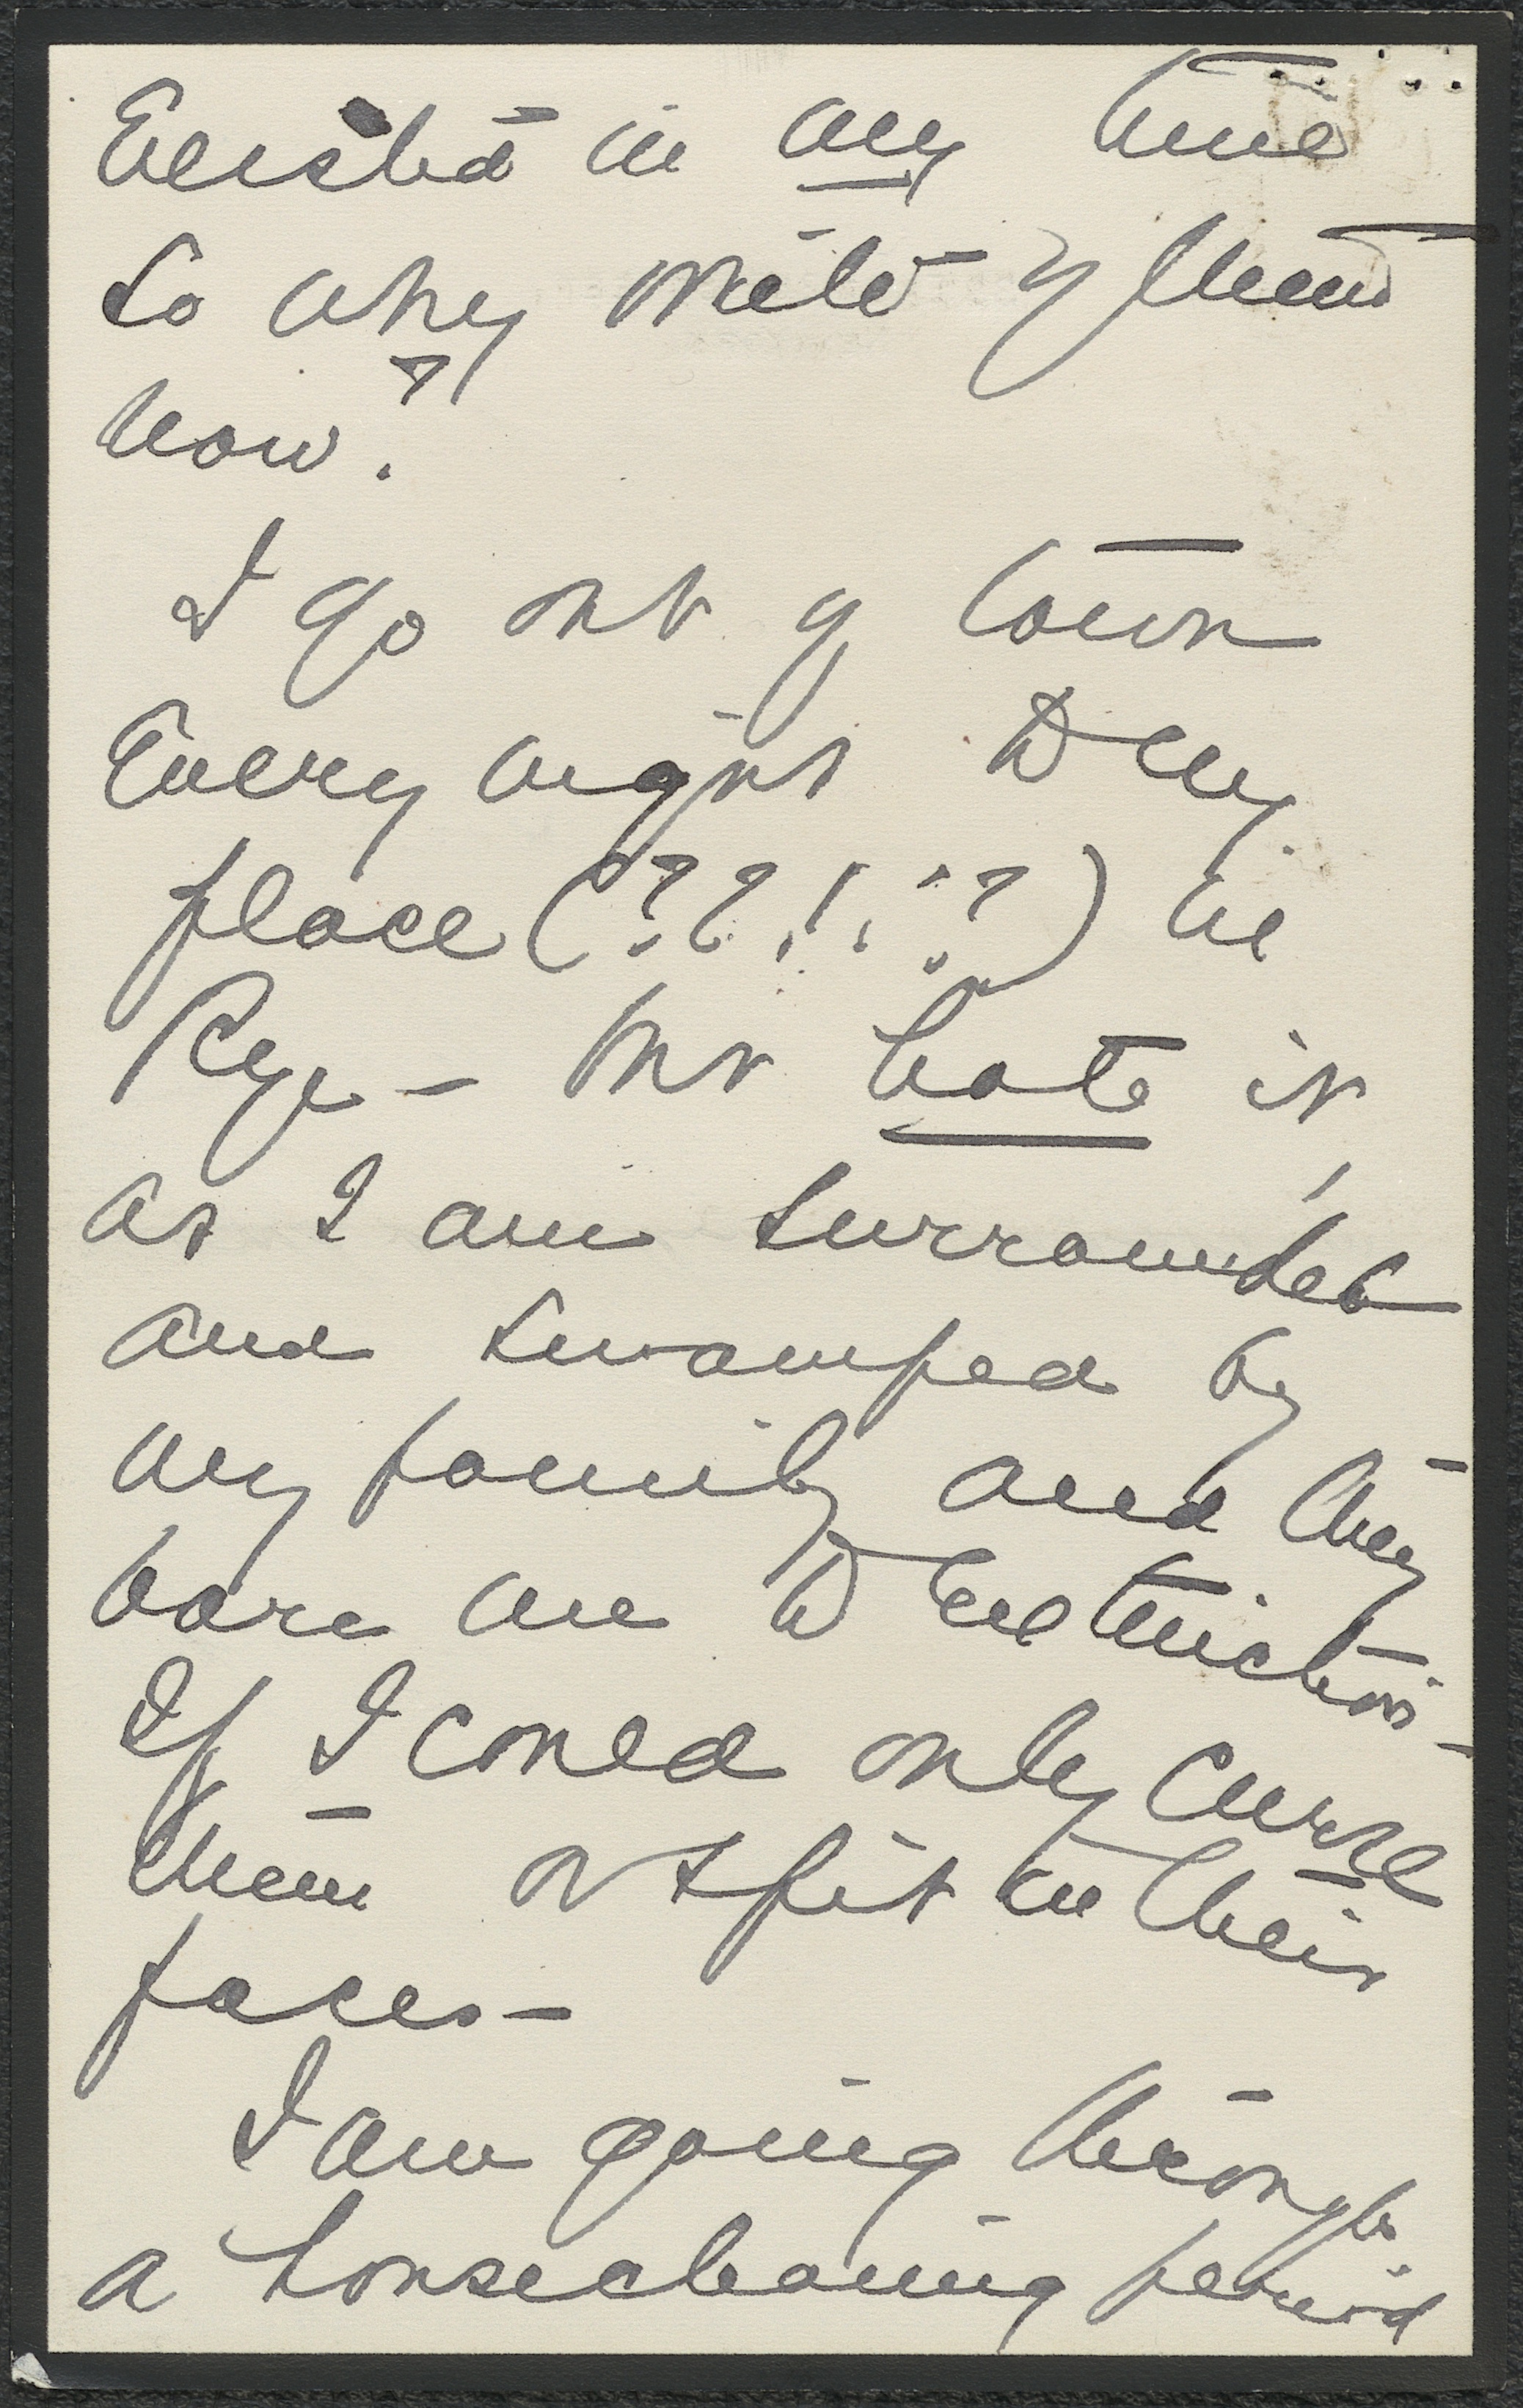existed in any time so why write of them now?
I go out of town every night to my place (??!!?) in Rye – but hate it as I am surrounded and swamped by my family and they bore me to extinction – If I could only curse them or spit on their faces –
I am going through a housecleaning period